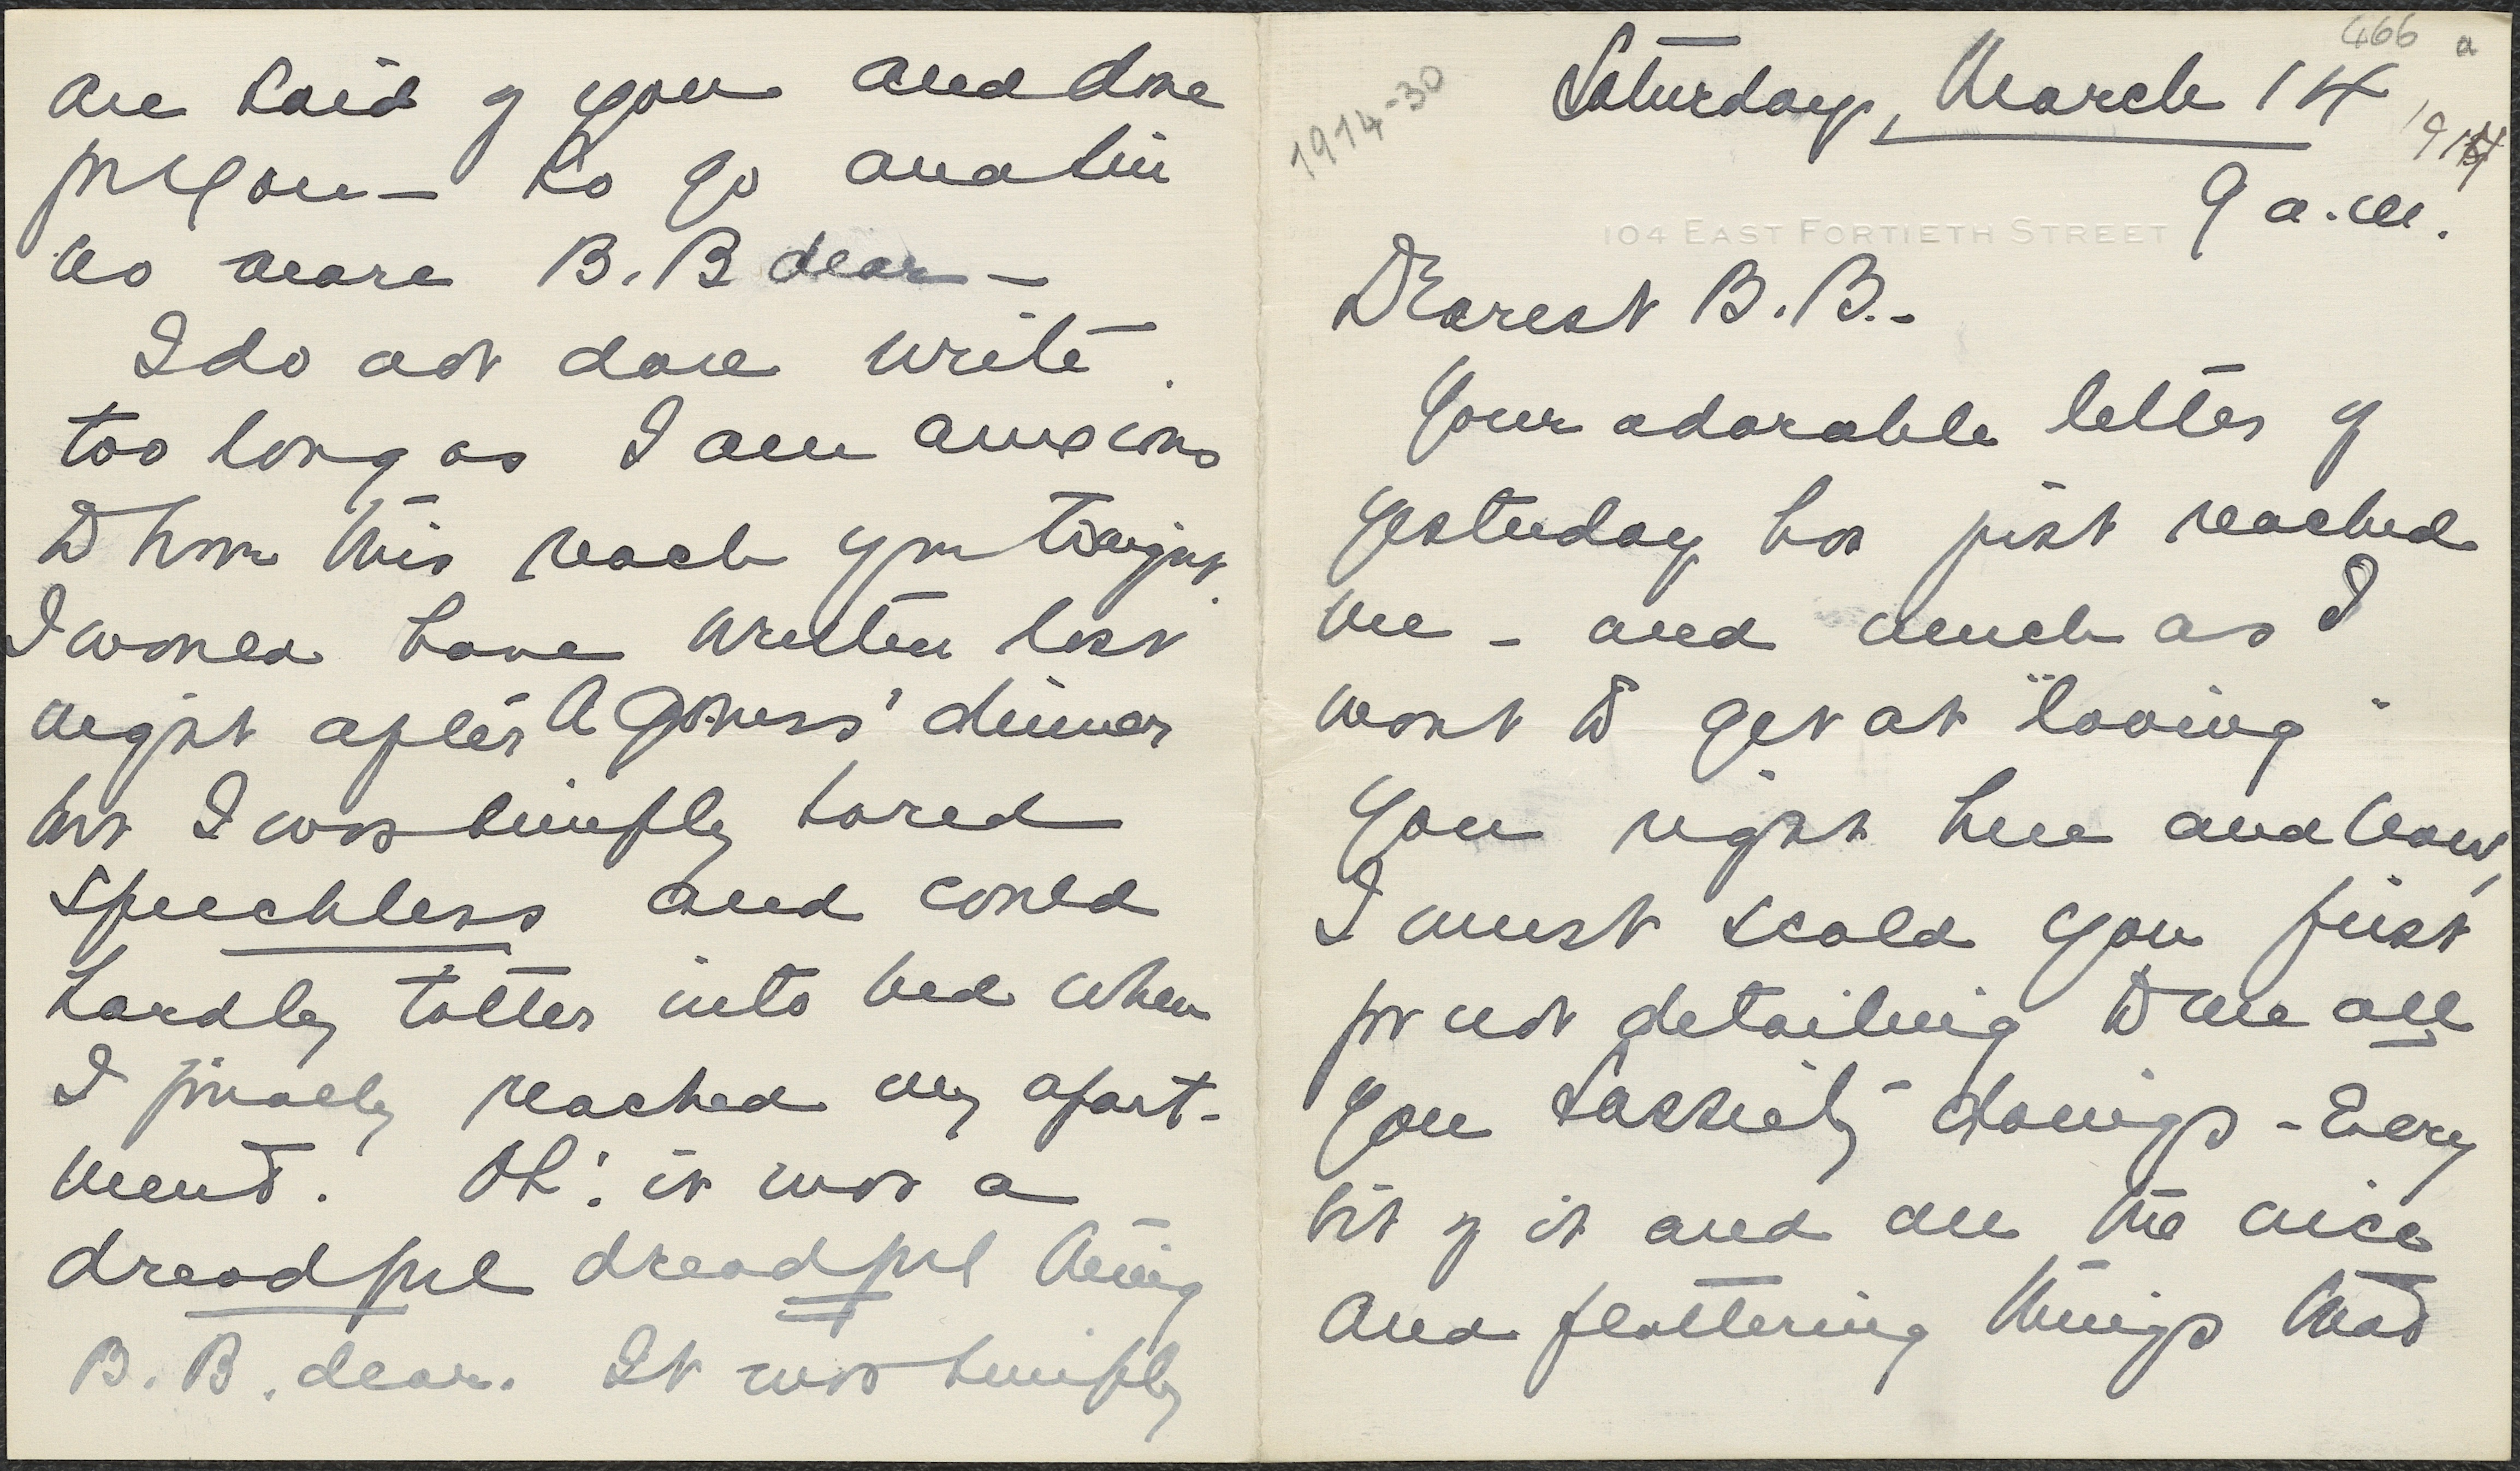Saturday, March 14
9 a.m.
Dearest B.B. –
Your adorable letter of yesterday has just reached me – and much as I want to get at “loving” you right here and now, I must scold you first for not detailing to me all you [sic] sassiety doings – Every bit of it and all the nice and flattering things that
are said of you and done for you – So go and lie no more B. B dear –
I do not dare write too long as I am anxious to have this reach you tonight. I would have written last night after Agoness’ dinner but I was simply bored speechless and could hardly totter into bed when I finally reached my apartment. Oh! it was a dreadful [double underlined: dreadful] thing B. B. dear. it was simply